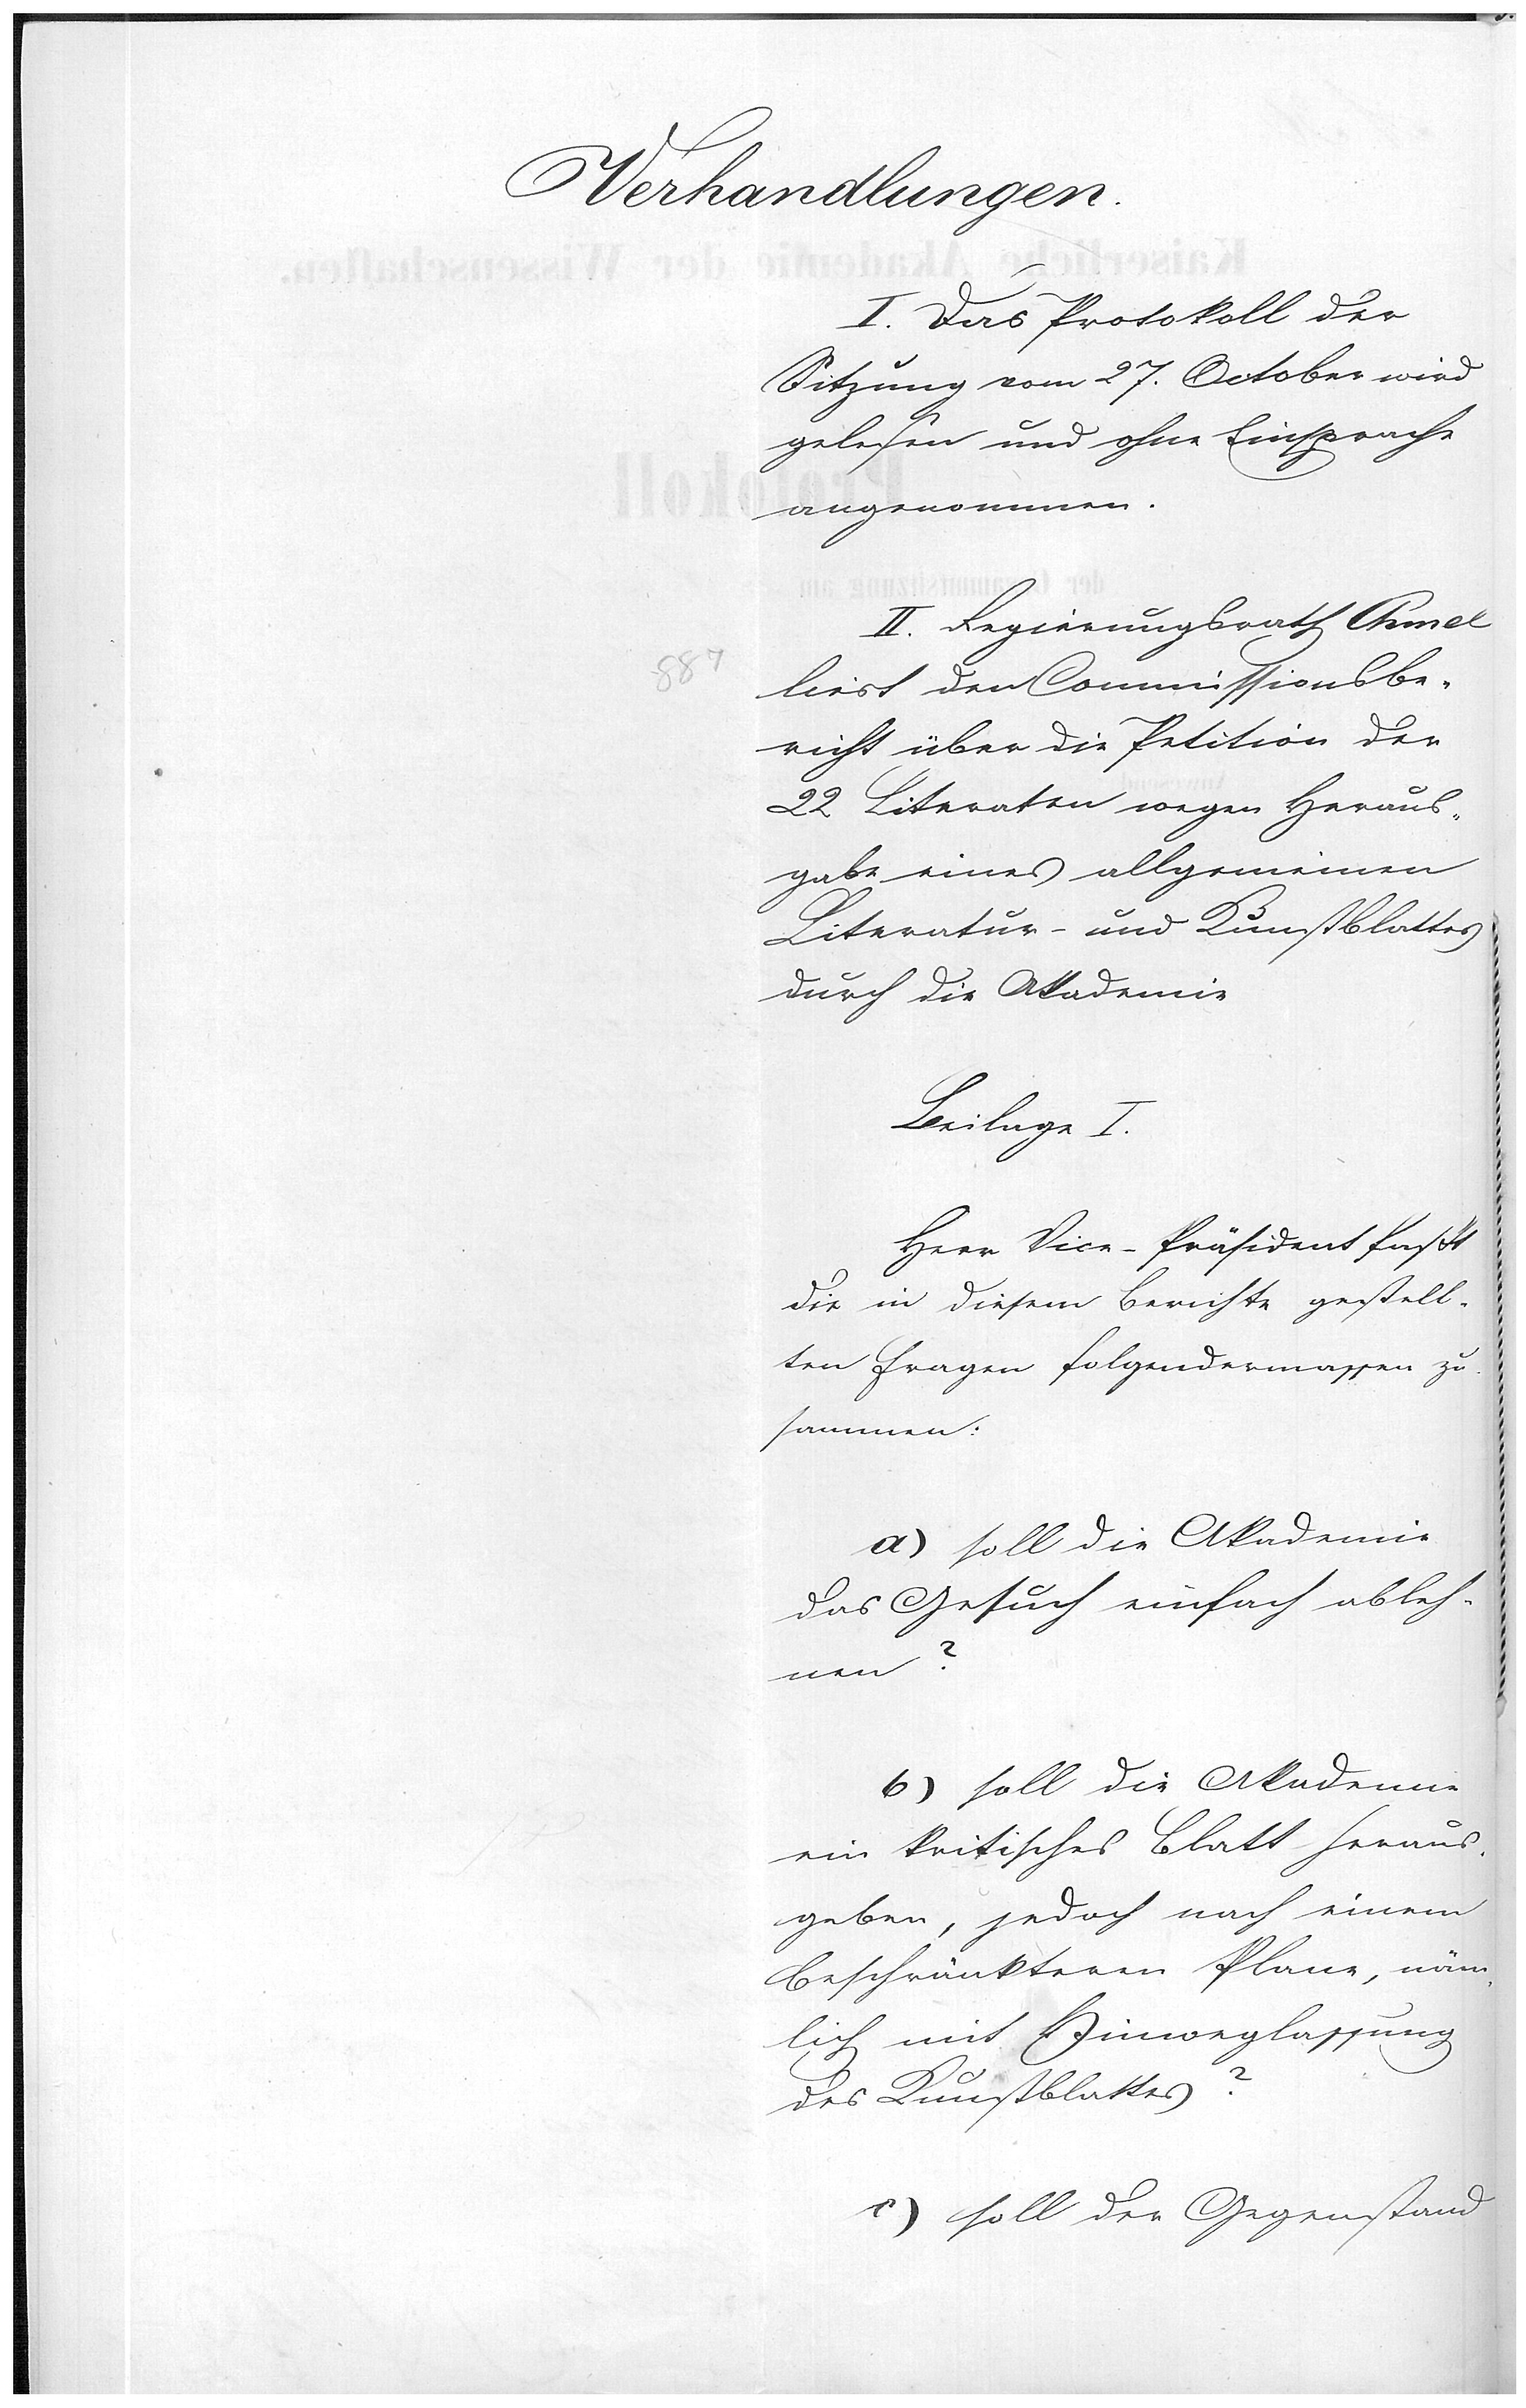Verhandlungen
I. Das Protokoll der
Sitzung von 27. October wird
gelesen und ohne Einspruch
angenommen.
II. Regierungsrath Chmel
liest den Commissionsbe-
richt über die Petition der
22 Literaten wegen Heraus-
gabe eines allgemeinen
Literatur- und Kunstblattes
durch die Akademie
Beilage I.
Herr Vice-Präsident faßt
die in diesem Berichte gestell-
ten Fragen folgendermassen zu-
sammen.
a) Soll die Akademie
das Gesuch einfach ableh-
nen?
b) Soll die Akademie
ein kritischen Blatt heraus-
geben, jedoch nach einem
beschränkteren Plane, näm-
lich mit Hinweglassung
des Kunstblattes?
c) Soll der Gegenstand